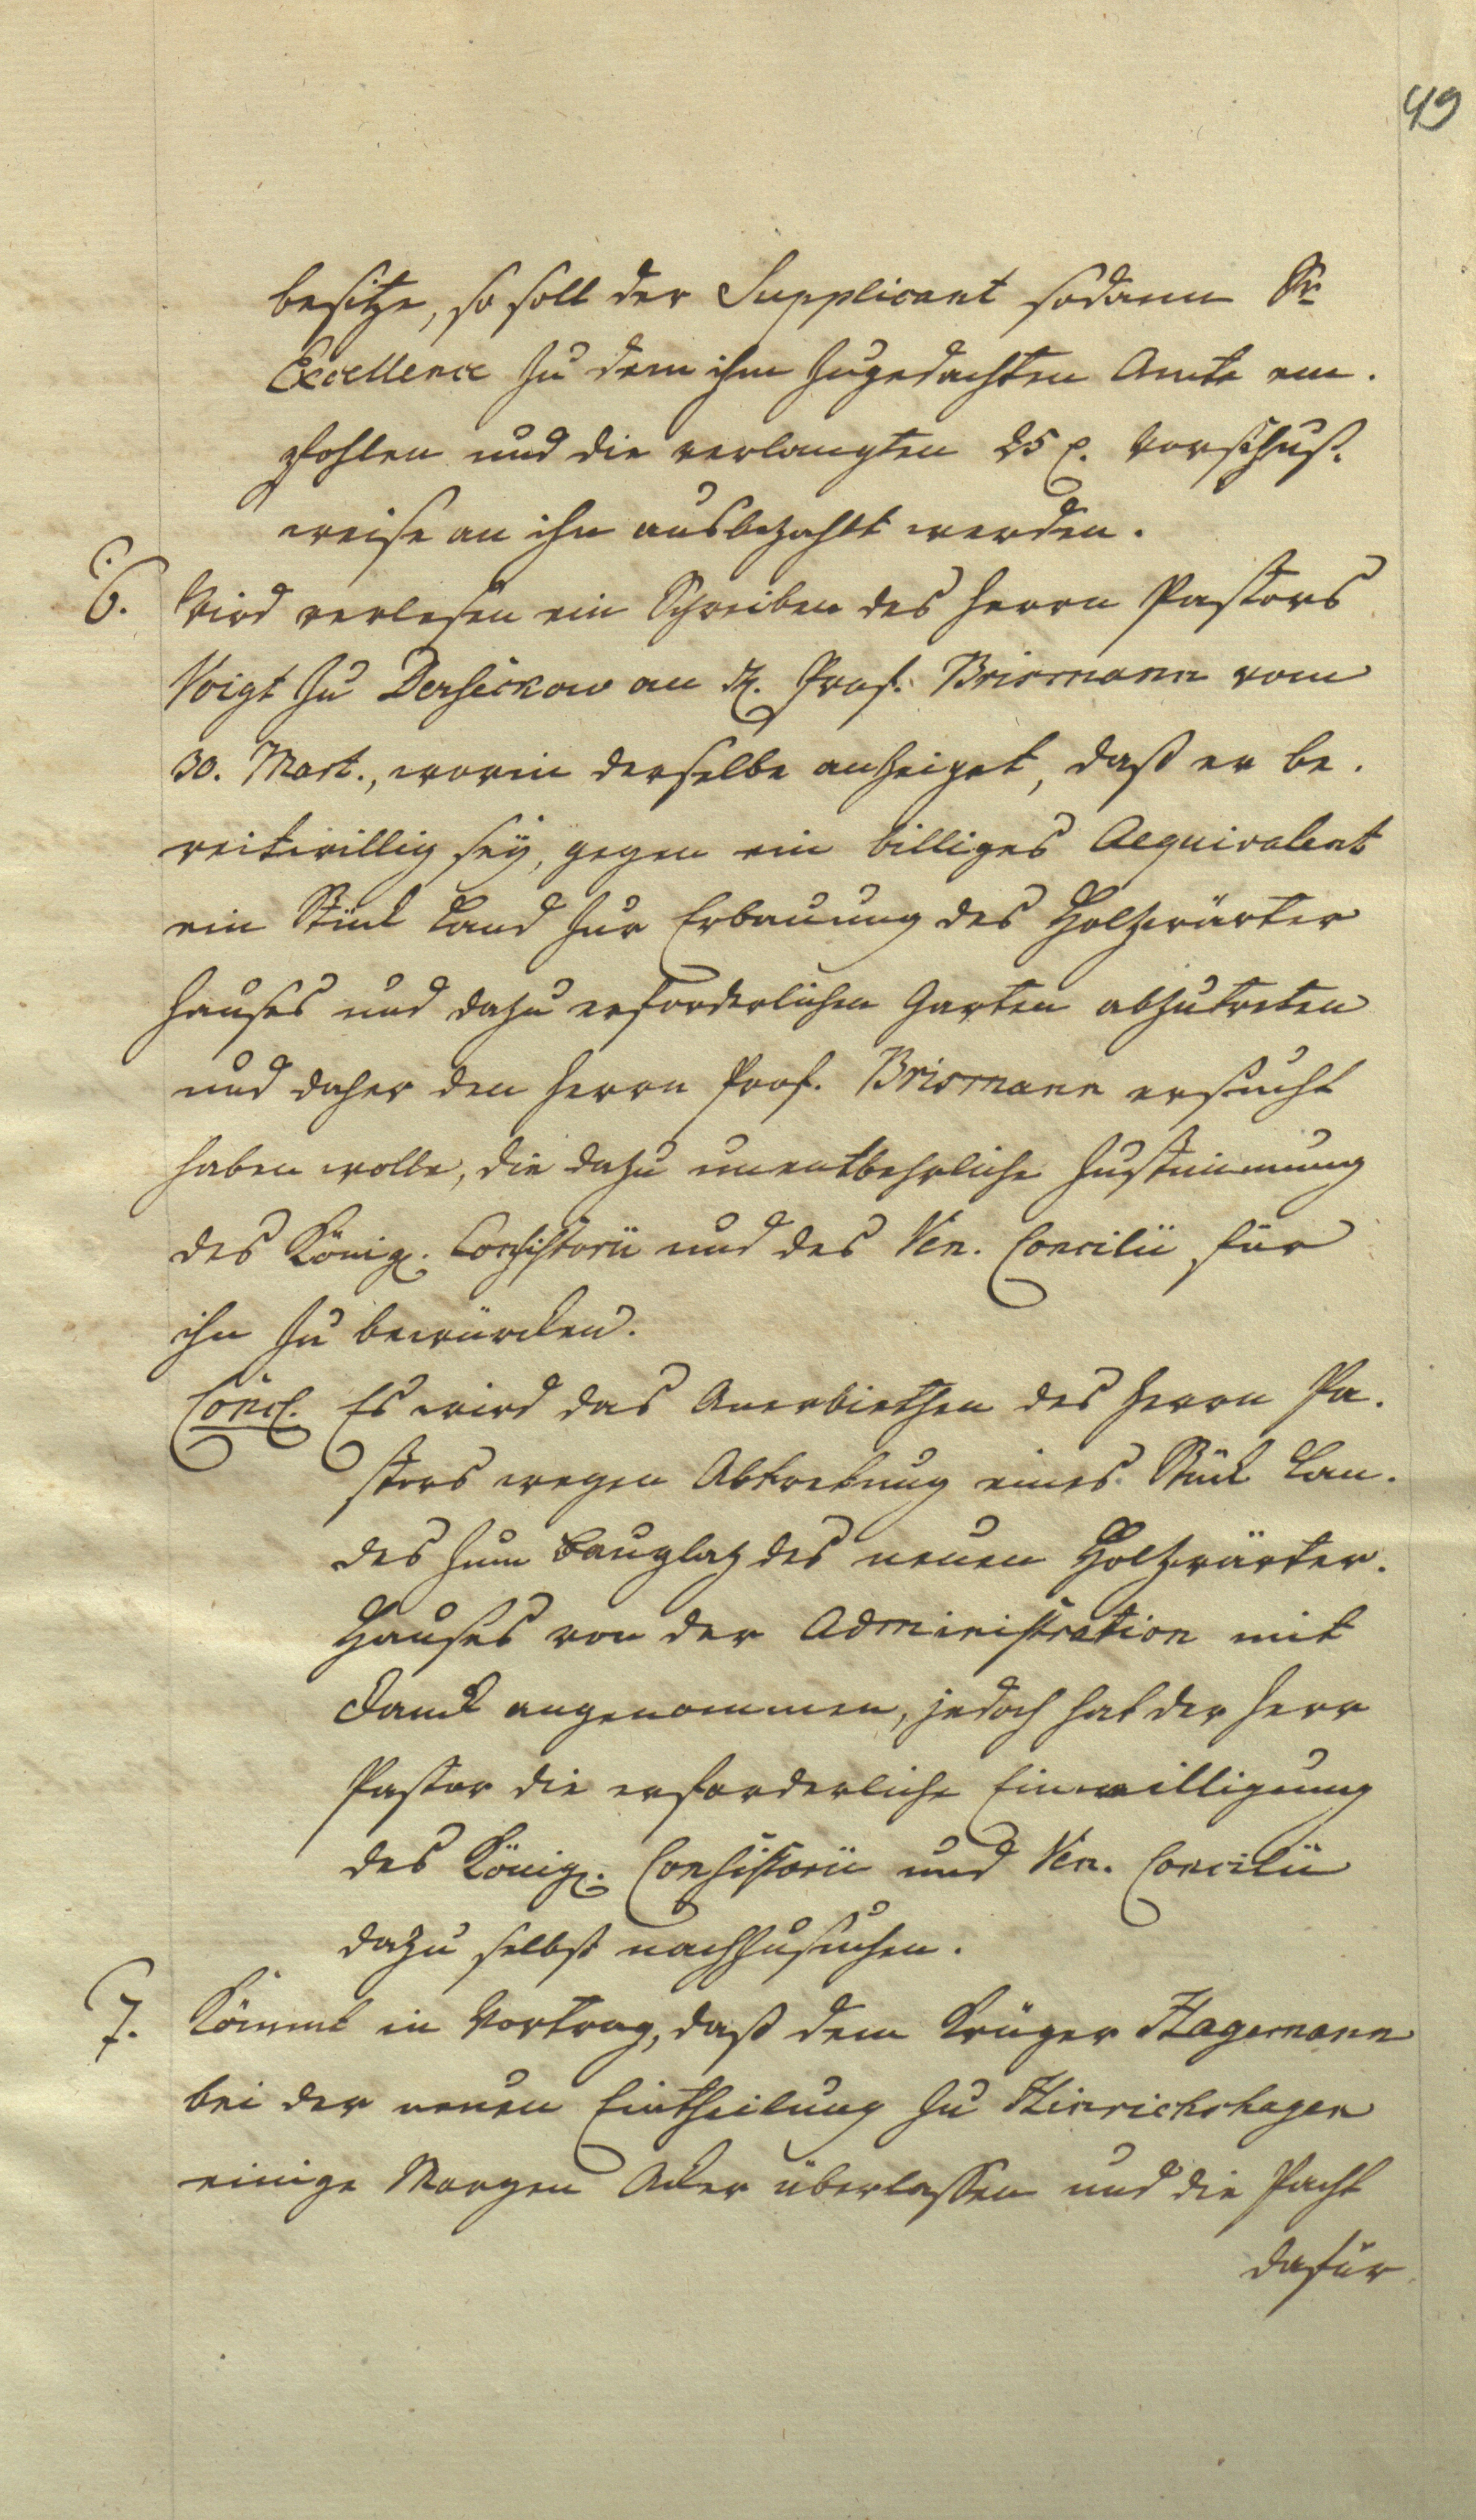besitze, so soll der Supplicant sodann Sr
Excellence zu dem ihm zugedachten Amte em¬
pfohlen und die verlangten 25 l. Vorschuß¬
weise an ihn ausbezahlt werden.
6. Wird verlesen ein Schreiben des Herrn Pastors
Voigt zu Derseckow an dh. Prof. Brismann vom
30. Mart. worin derselbe anzeiget, daß er be¬
reitwillig seÿ, gegen ein billiges Aequivalent
ein Stück Land zur Erbauung des Holzwärter¬
hauses und dazu erforderlichen Garten abzutreten
und daher den Herrn Prof. Brismann ersucht
haben wolle, die dazu unentbehrliche Zustimmung
des Königl. Consistorii und des Ven. Concilii für
ihn zu bewürcken.
Concl. Es wird das Anerbiethen des Herrn Pa¬
stors wegen Abtretung eines Stück Lan¬
des zum Bauplatz des neuen Holzwärter¬
Hauses von der Administration mit
Danck angenommen, jedoch hat der Herr
Pastor die erforderliche Einwilligung
des Königl. Consistorii und Ven. Concilii¬
dazu selbst nachzusuchen.
7. Kömmt in Vortrag, daß dem Krüger Hagemann
bei der neuen Eintheilung zu Hinrichshagen
einige Morgen Acker überlassen und die Pacht
dafür